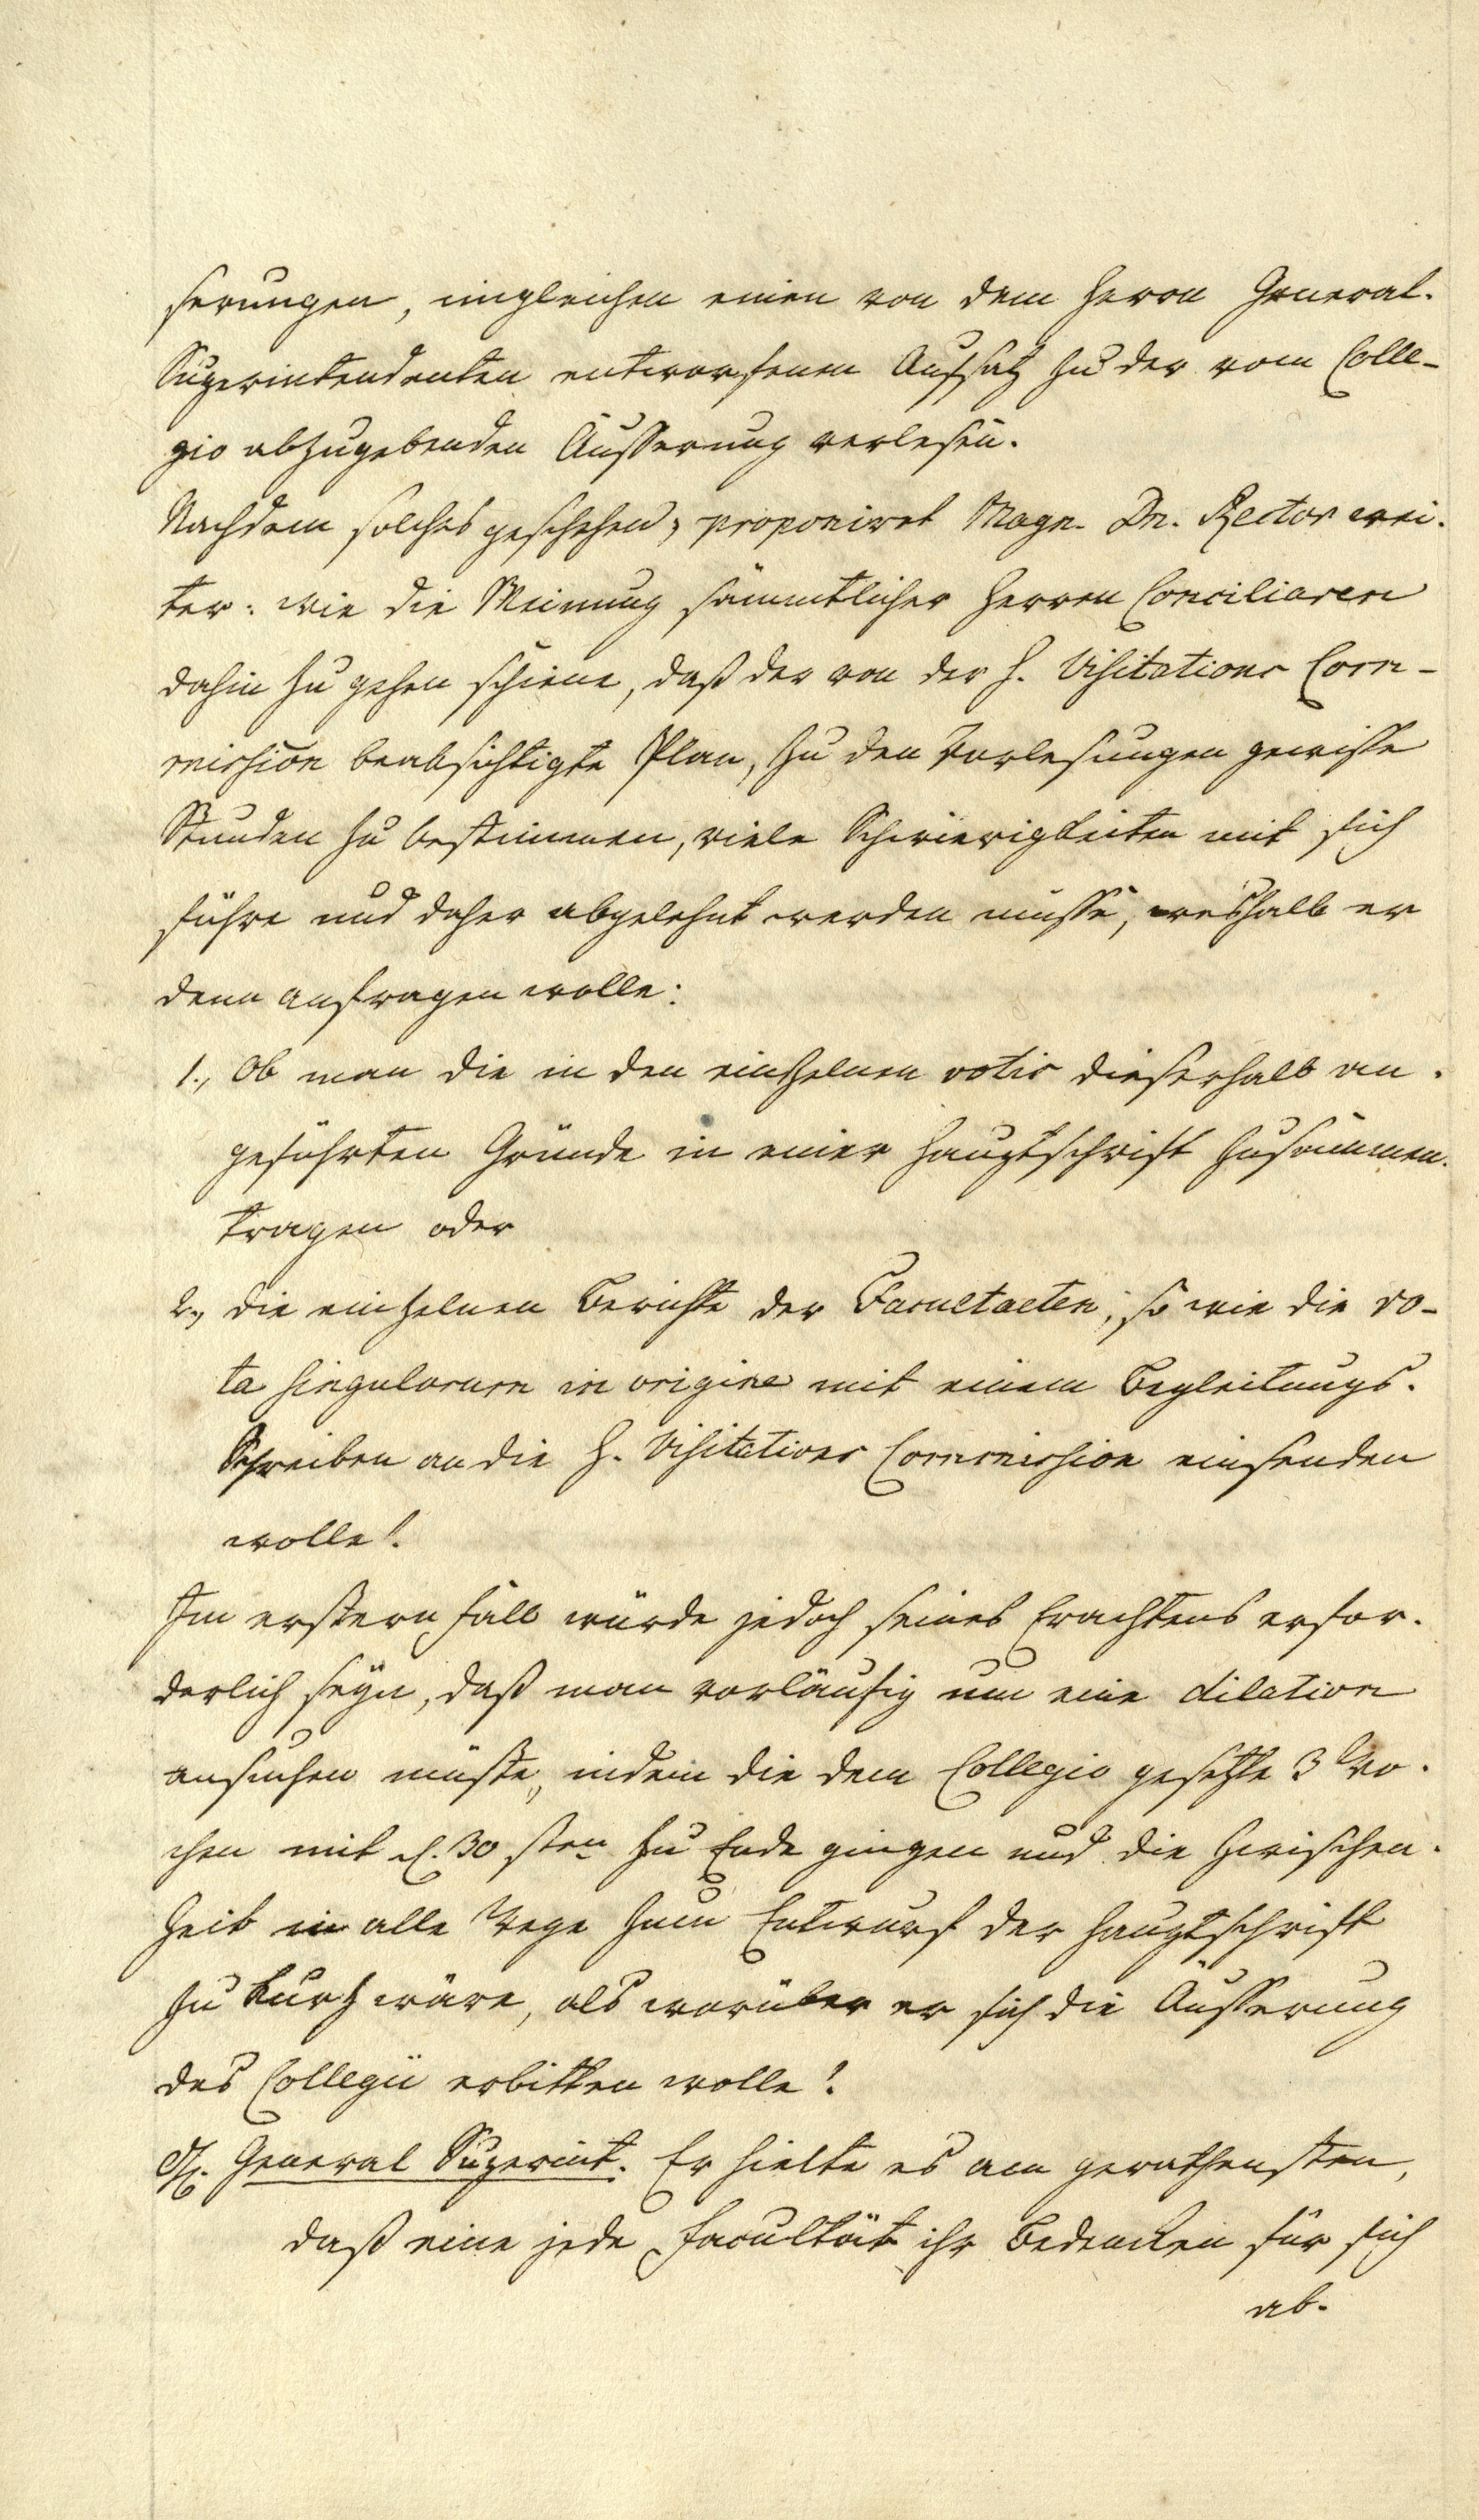serungen, imgleichen einen von dem Herrn General-
Superintendenten entworfenen Aufsatz zu der vom Colle-
gio abzugebenden Äusserung verlesen.
Nachdem solches geschehen, proponiret Magn. Dn. Rector wei-
ter: wie die Meinung sämtlicher Herren Conciliaren
dahin zu gehen scheine, daß der von der h. Visitations Com-
mission beabsichtigte Plan, zu den Vorlesungen gewisse
Stunden zu bestimmen, viele Schwierigkeiten mit sich
führe und daher abgelehnt werden müsse, weshalb er
denn anfragen wolle:
1.) Ob man die in den einzelnen votis dieserhalb an-
geführten Gründe in einer Hauptschrift zusammen
tragen oder
2.) die einzelnen Berichte der Facultaeten, so wie die ro-
ta singularum in origine mit einem Begleitungs-
Schreiben an die h. Visitations Commission einsenden
wolle?
Im erstern Fall würde jedoch seines Erachtens erfor-
derlich seyn, daß man vorläufig um eine dilation
ansuchen müßte, indem die dem Collegio gesetzte 3 Wo-
chen mit d. 30sten zu Ende gingen und die Zwischen-
Zeit in alle Wege zum Entwurf der Hauptschrift
zu kurz wäre, als worüber er sich die Äusserung
des Collegii erbitten wolle?
dh. General Superint. Er hielte es am gerathensten,
daß eine jede Facultät ihr Bedenken für scih
ab-